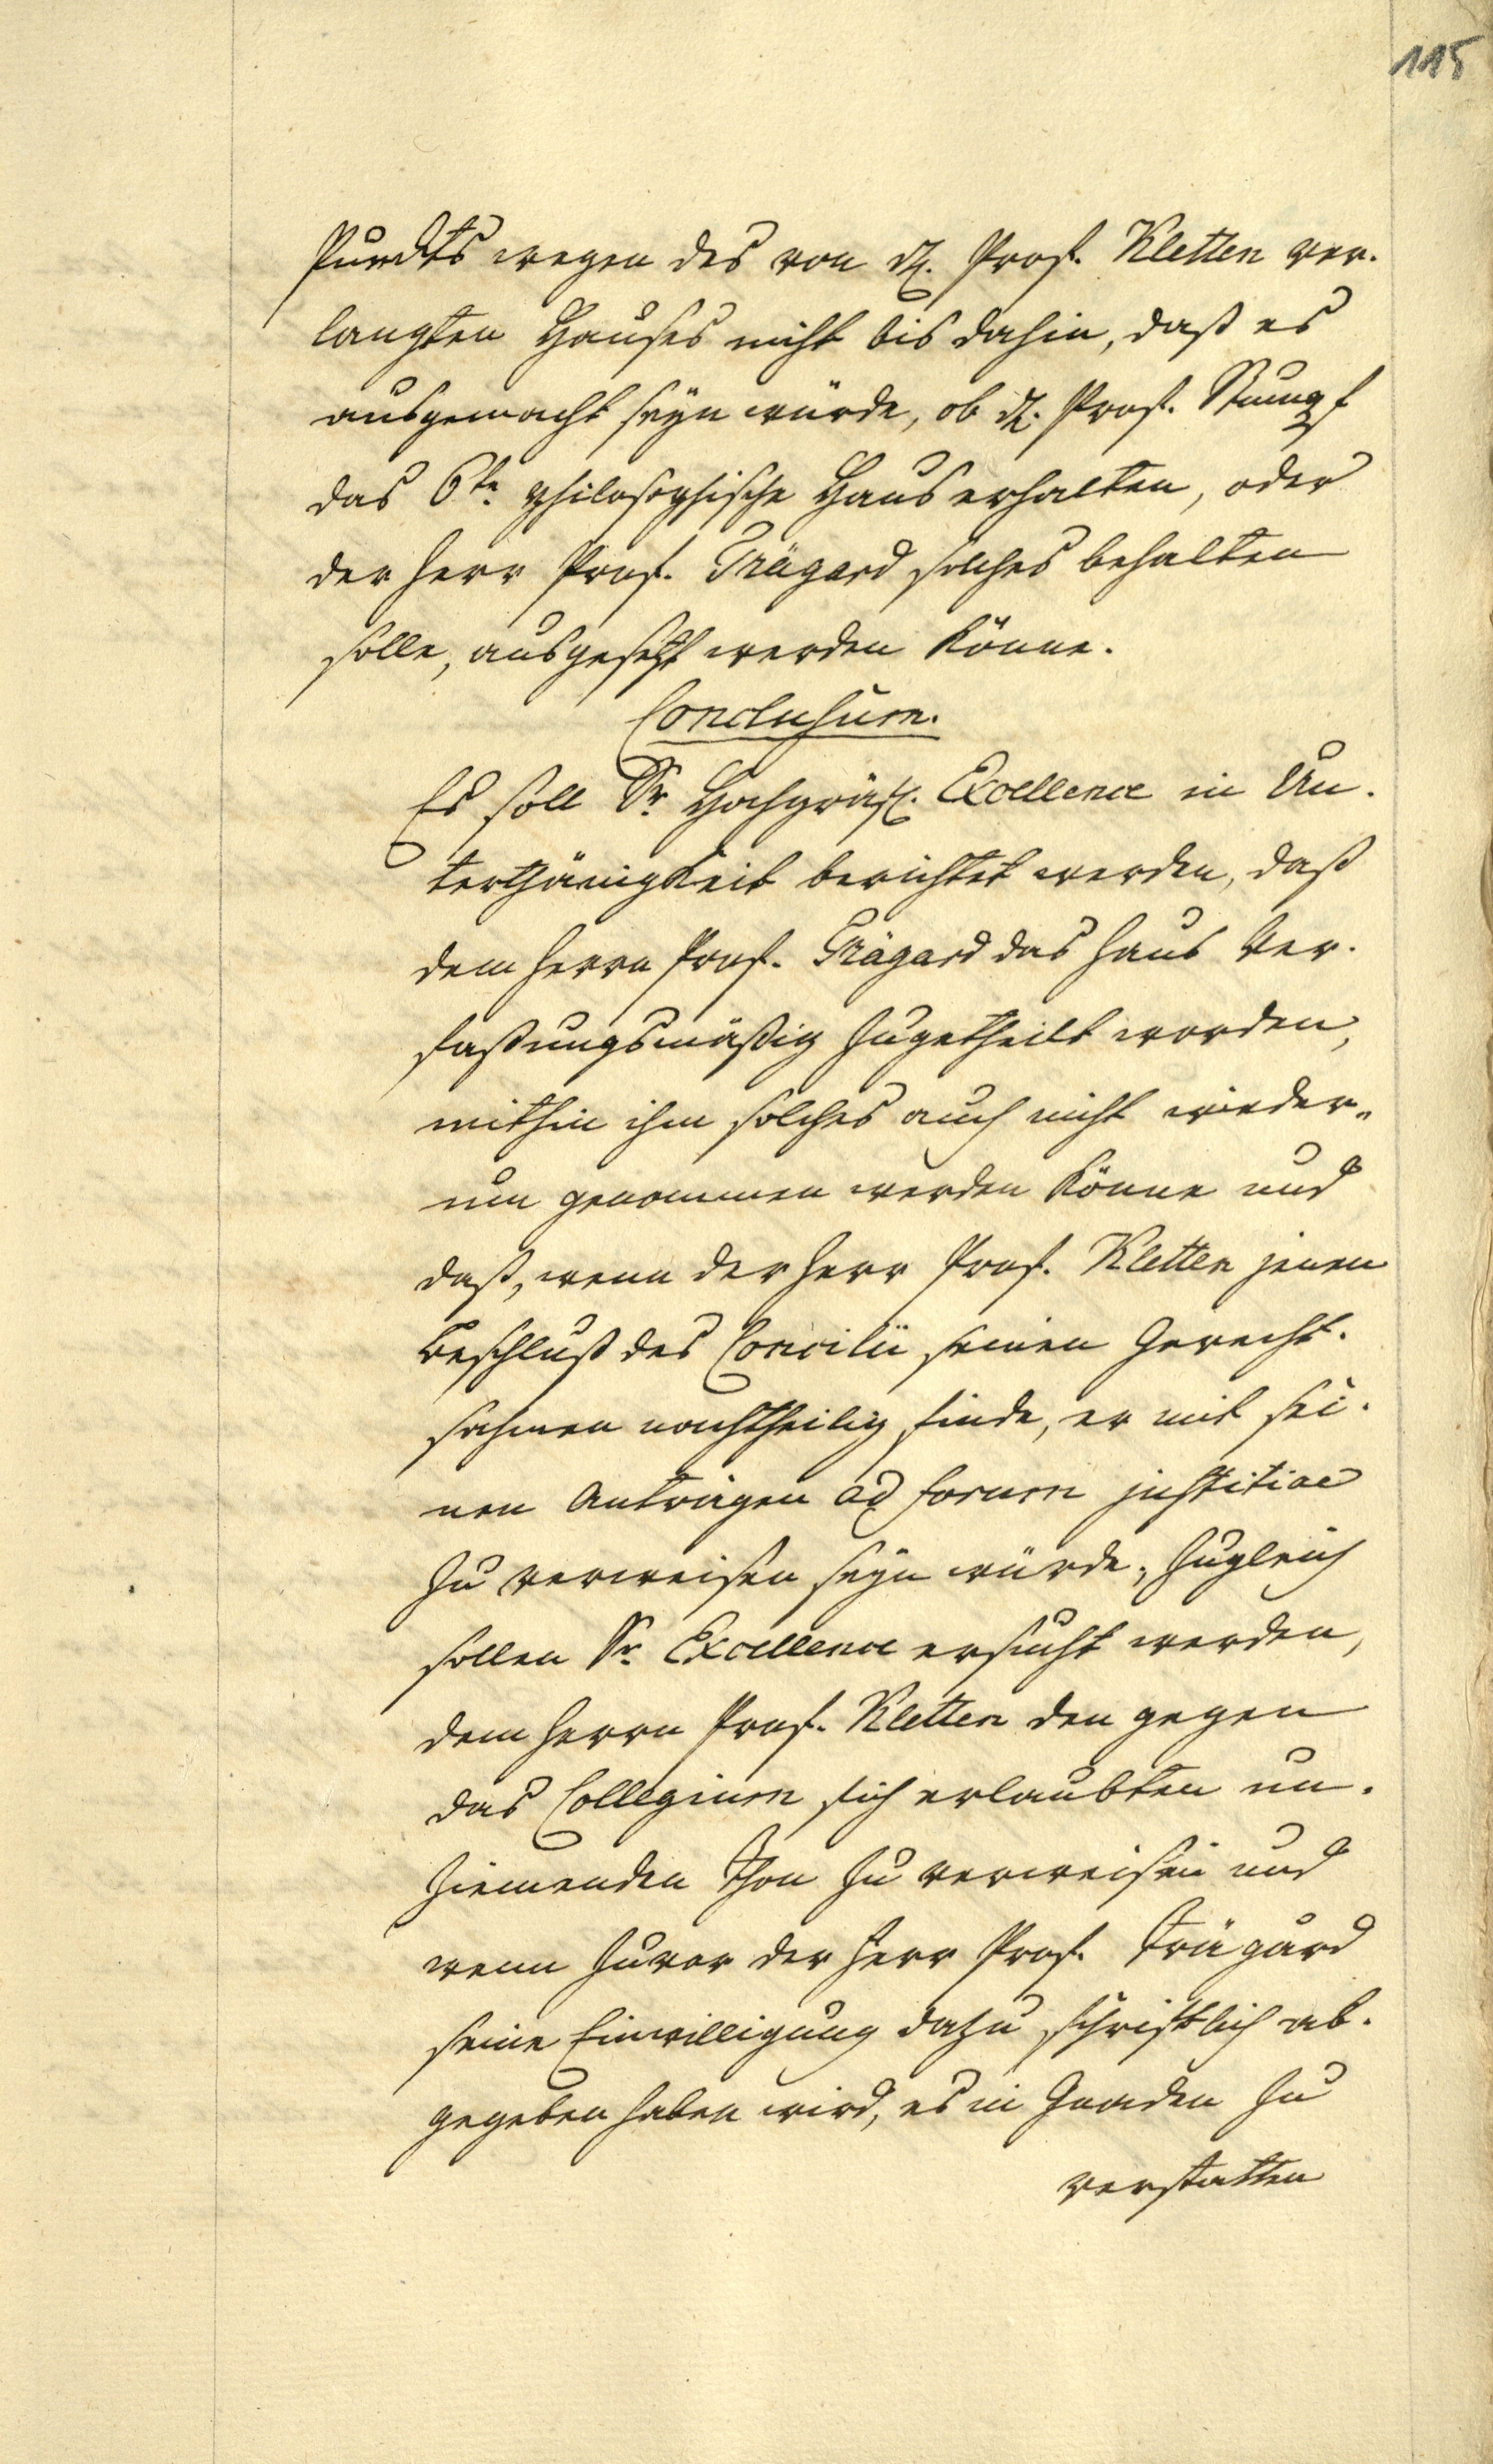Punckts wegen des von dh. Prof. Kletten ver¬
langten Hauses nicht bis dahin, daß es
ausgemacht seÿn würde, ob dh. Prof. Stumpf
das 6 te philosophischen Haus erhalten, oder
der Herr Prof. Trägård solches behalten
solle, ausgesetzt werden könne.
Conclusum.
Es soll Sr Hochgräfl Excellence in Un¬
terthänigkeit berichtet werden, daß
dem Herrn Prof. Trägård das Haus Ver¬
faßungsmäßig zugetheilt worden,
mithin ihm solches auch nicht wieder¬
um genommen werden könne und
daß, wenn der Herr Prof. Kletten jenen
Beschluß des Concilii seinen Gerecht¬
sahmen nachtheilig finde, er mit sei¬
nen Anträgen ad Forum justitiae
zu verweisen seÿn würde; Zugleich
sollen Sr Excellence ersucht werden,
dem Herrn Prof. Kletten den gegen
das Collegium sich erlaubten un¬
ziemenden Thon zu verweisen und
wenn zuvor der Herr Prof. Trägard
seine Einwilligung dazu schriftlich ab¬
gegeben haben wird, es in Gnaden zu
verstatten